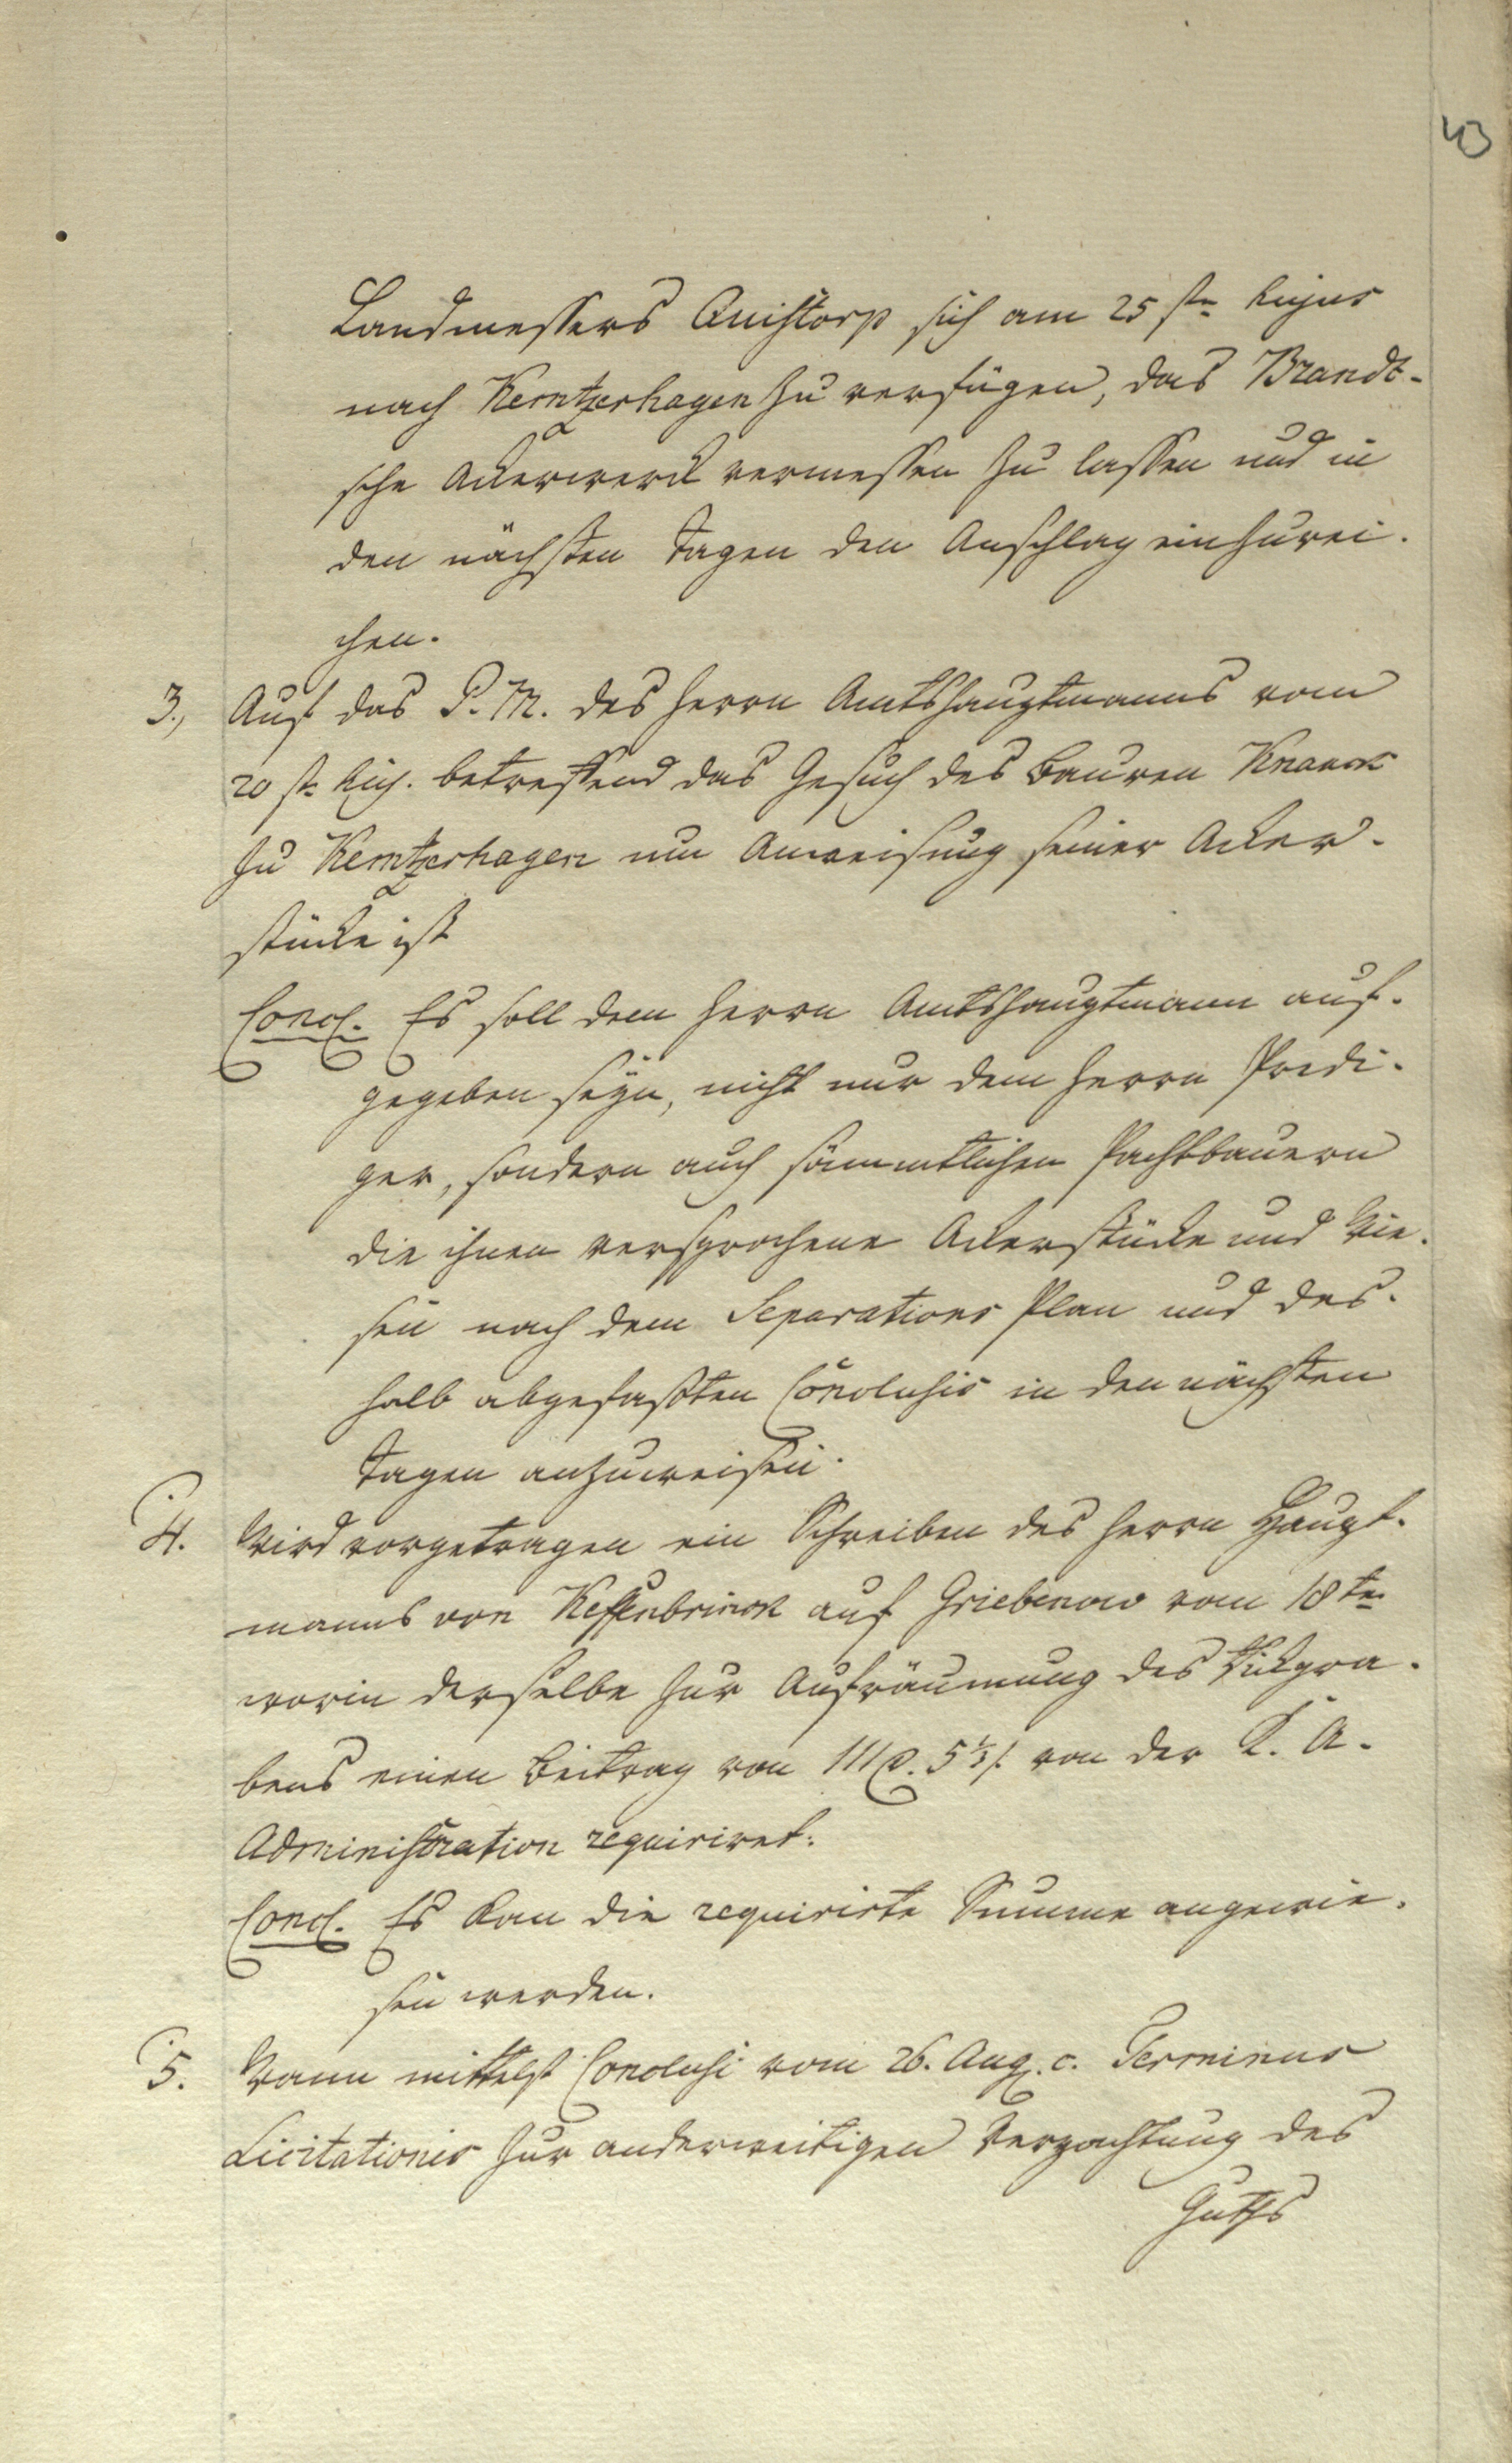Landmessers Quistorp sich am 25 sten hujus
nach Kemtzerhagen zu verfügen, das Brandt¬
sche Ackerwerck vermessen zu lassen und in
den nächsten Tagen den Anschlag einzurei¬
chen.
3., Auf das P. M. des Herrn Amtshauptmanns vom
20 st. huj. betreffend das Gesuch des Bauren Knaack
zu Kemtzerhagen um Anweisung seiner Acker¬
stücke ist
Concl. Es soll dem Herrn Amtshauptmann auf¬
gegeben seÿn, nicht nur dem Herrn Predi¬
ger, sondern auch sämmtlichen Pachtbauern
die ihnen versprochene Ackerstücke und Wie¬
sen nach dem Separations Plan und des¬
halb abgefaßten Conclusis in den nächsten
Tagen anzuweisen.
4. Wird vorgetragen ein Schreiben des Herrn Haupt¬
manns von Keffenbrinck auf Griebenow vom 18 ten
worin derselbe zur Aufräumung des Rückgra¬
bens einen Beitrag von 111 l. 5 ½ s. von der K. A.
Administration requiriret.
Concl. Es kan die requirirte Summe angewie¬
sen werden.
5. Wann mittelst Conclusi vom 26. Aug. c. Terminus
Licitationis zur anderweitigen Verpachtung des
Guths